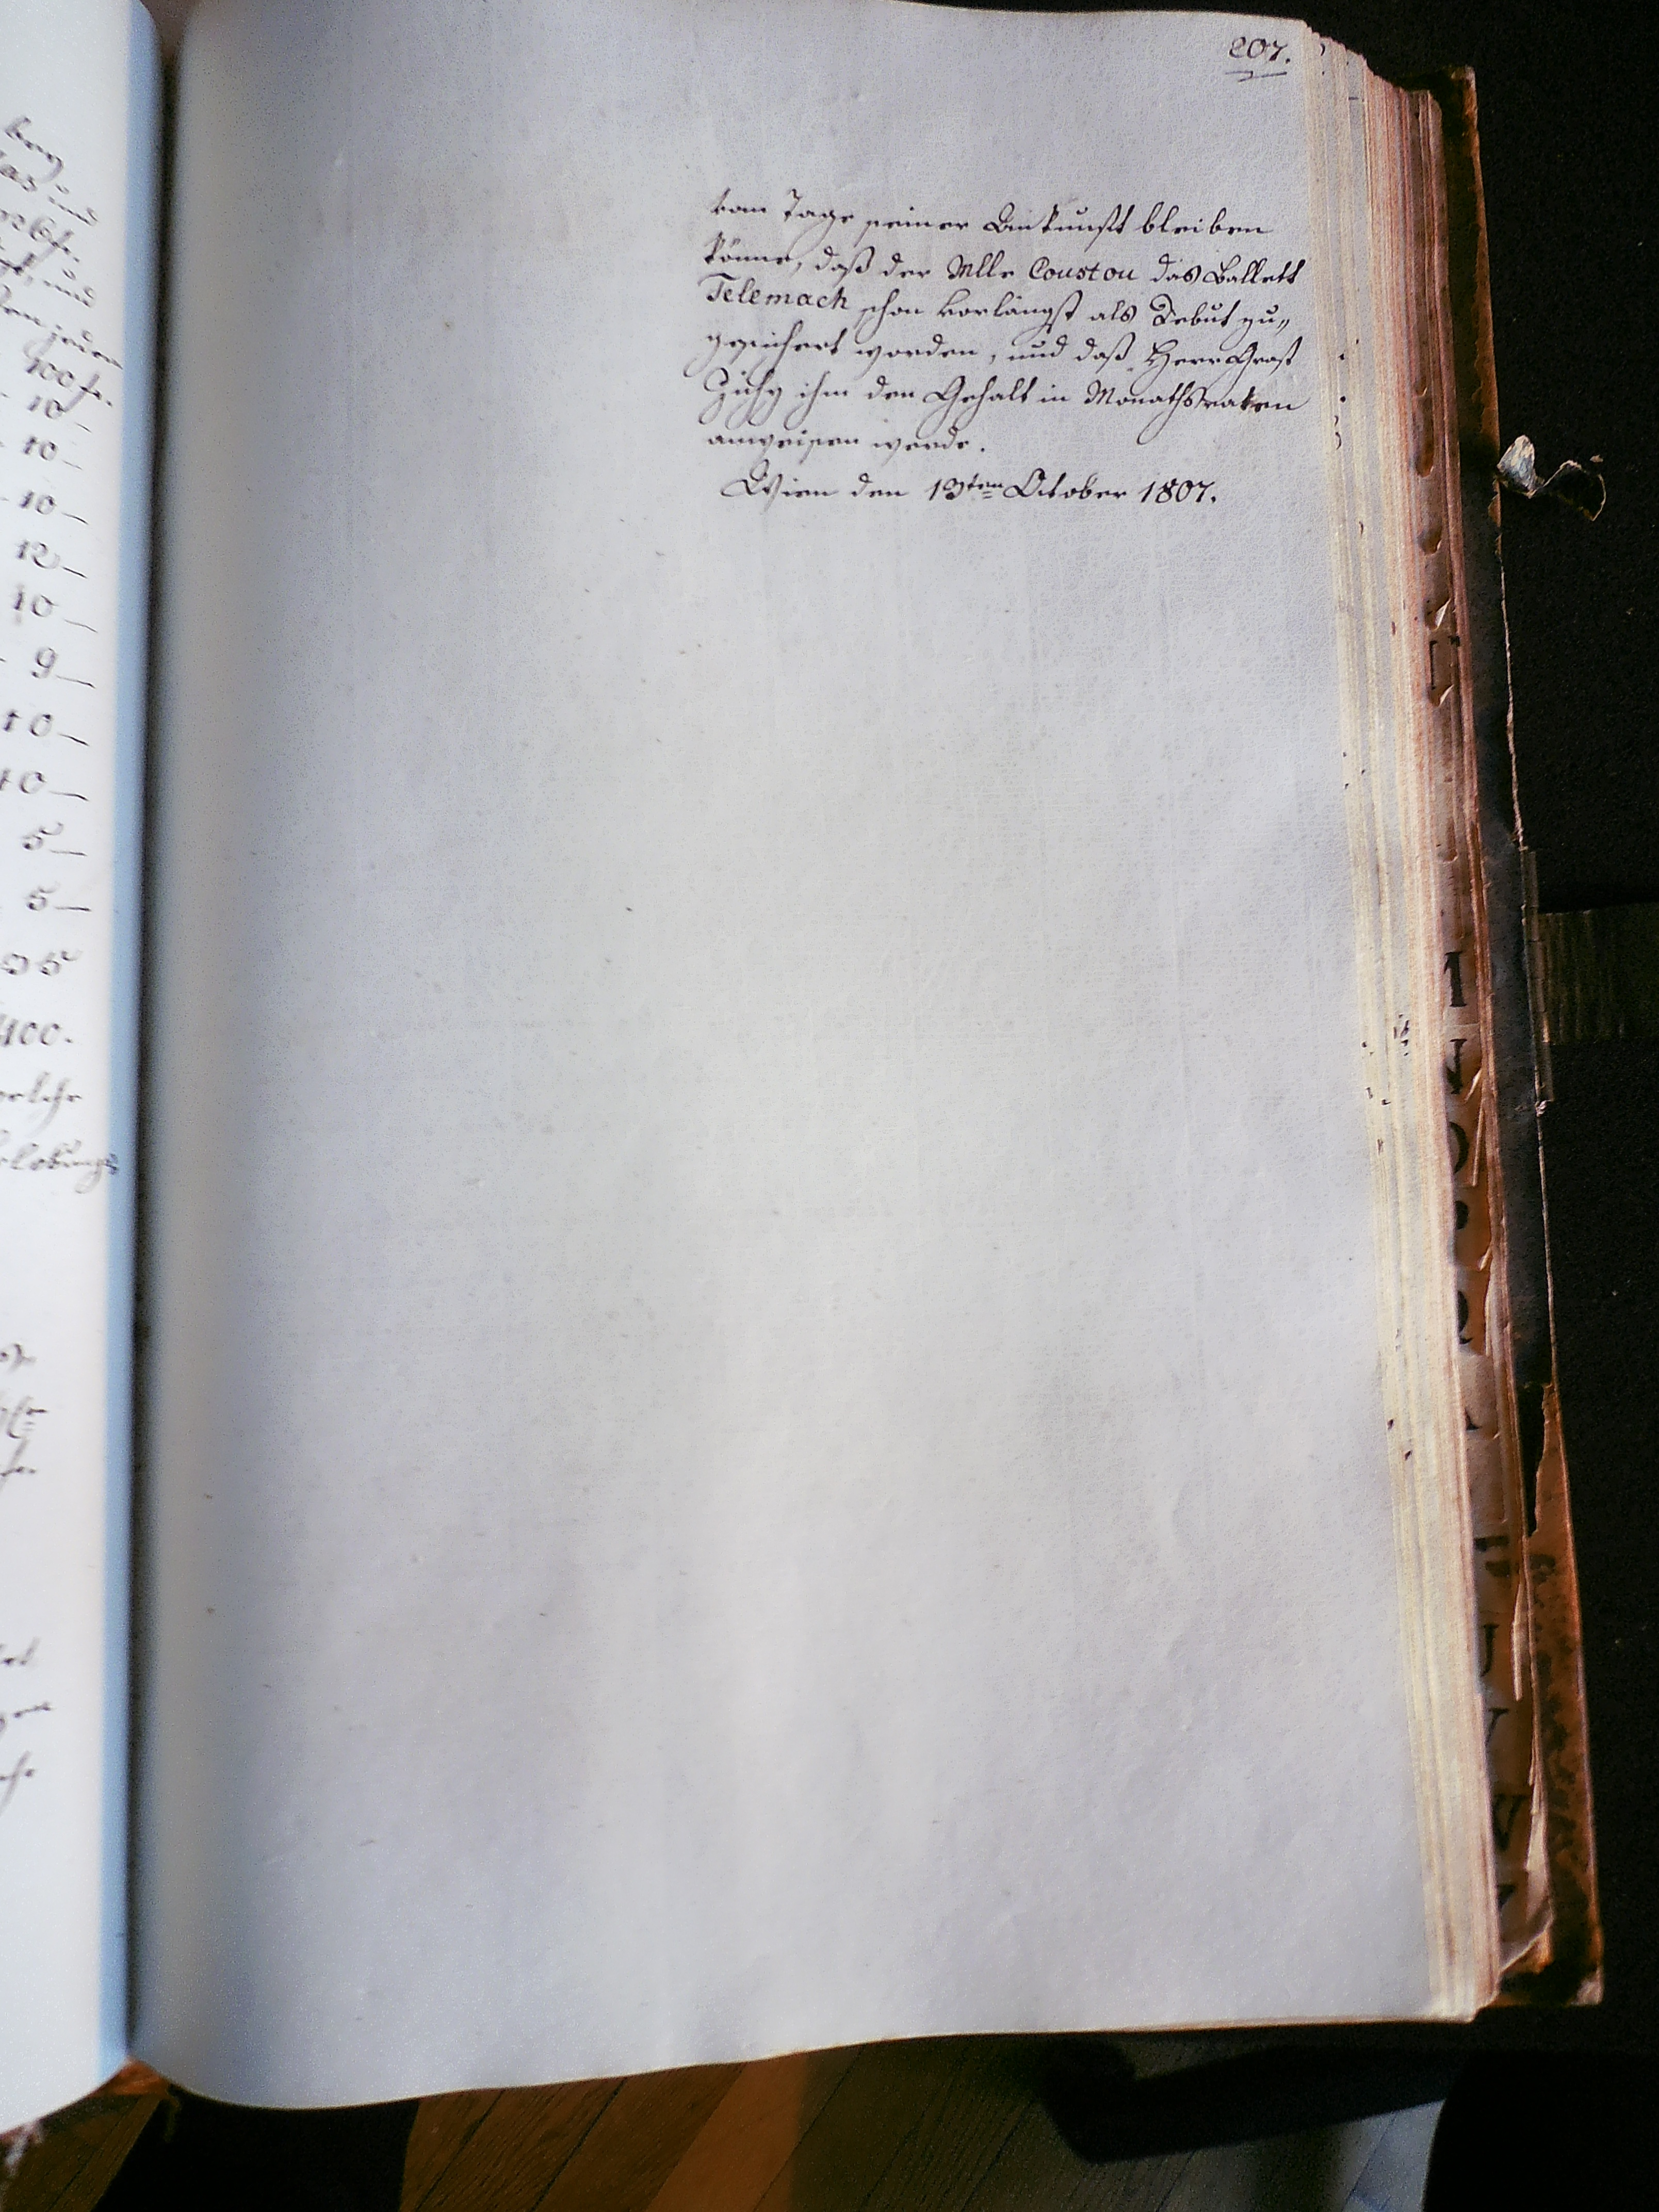207.
vom Tage seiner Ankunft bleiben
könne, daß der Mlle Coustou das Ballett
Telemack schon vorlängst als Debut zu¬
gesichert worden, und daß Herr Graf
Zichy ihm den Gehalt in Monathsraten
anweisen werde.
Wien den 13te͇n October 1807.